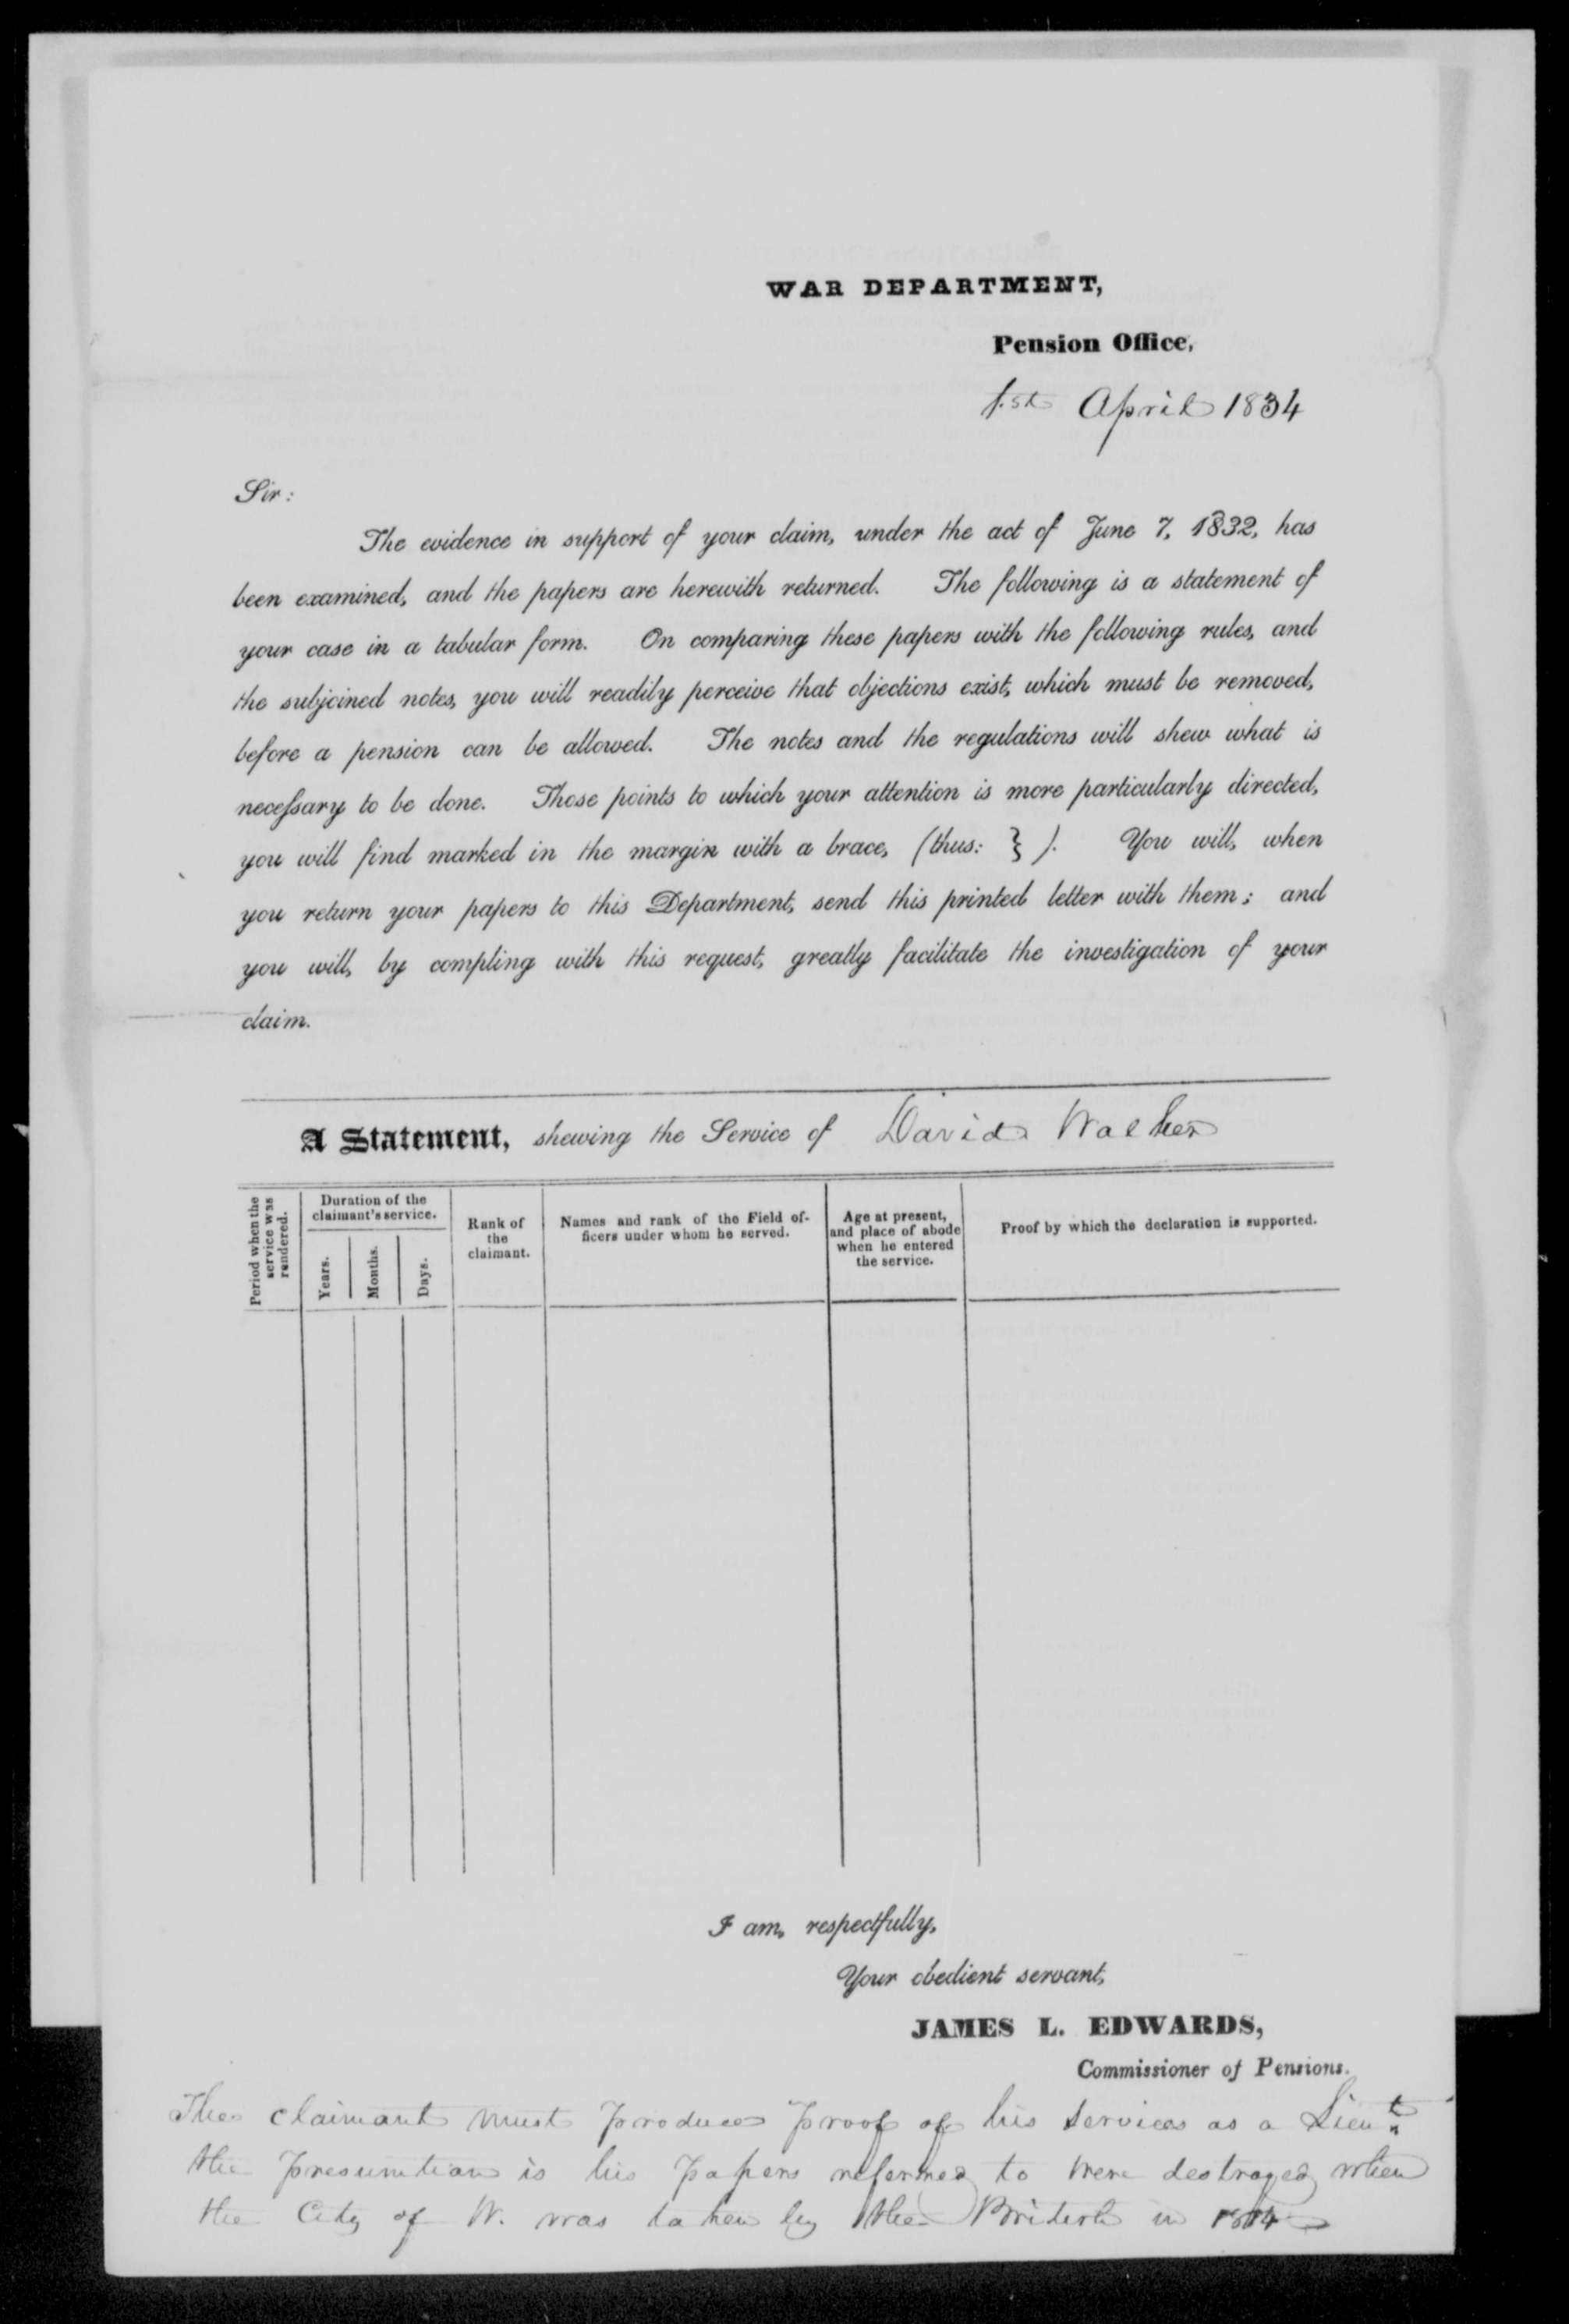WAR DEPARTMENT
Pension Office,
1st April 1834
Sir:
The evidence in support of your claim, under the act of June 7, 1832, has been examined, and the papers are herewith returned. The following is a statement of your case in a tabular form. On comparing these papers with the following rules, and the subjoined notes you will readily perceive that objections exist, which must be removed, before a pension can be allowed. the notes and the regulations will show what is necessary to be done. Those points to which your attention is more particularly directed, you will find marked in the margin with a brace, (thus: }). You will, when you return your papers to this Department, send this printed letter with them; and you will, by compiling with this request, greatly facilitate the investigation of your claim.
[Note: The following is the aforementioned statement on the service of David Walker. It has been left blank by J. L. Edwards in order to provide the receiver of his letter instructions on how to compile that statement.]
I am respectfully, Your obedient servant,
JAMES L. EDWARDS, Commissioner of Pensions.
The claimant must produce proof of his services as a Lieutenant. The presentation is his papers referred to [which] were destroyed when the City of Washington was taken by the British in [the War of 1812].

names: David Walker, James L Edwards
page: 33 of 37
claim: rejected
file: R. 11047, David Walker, N.C.